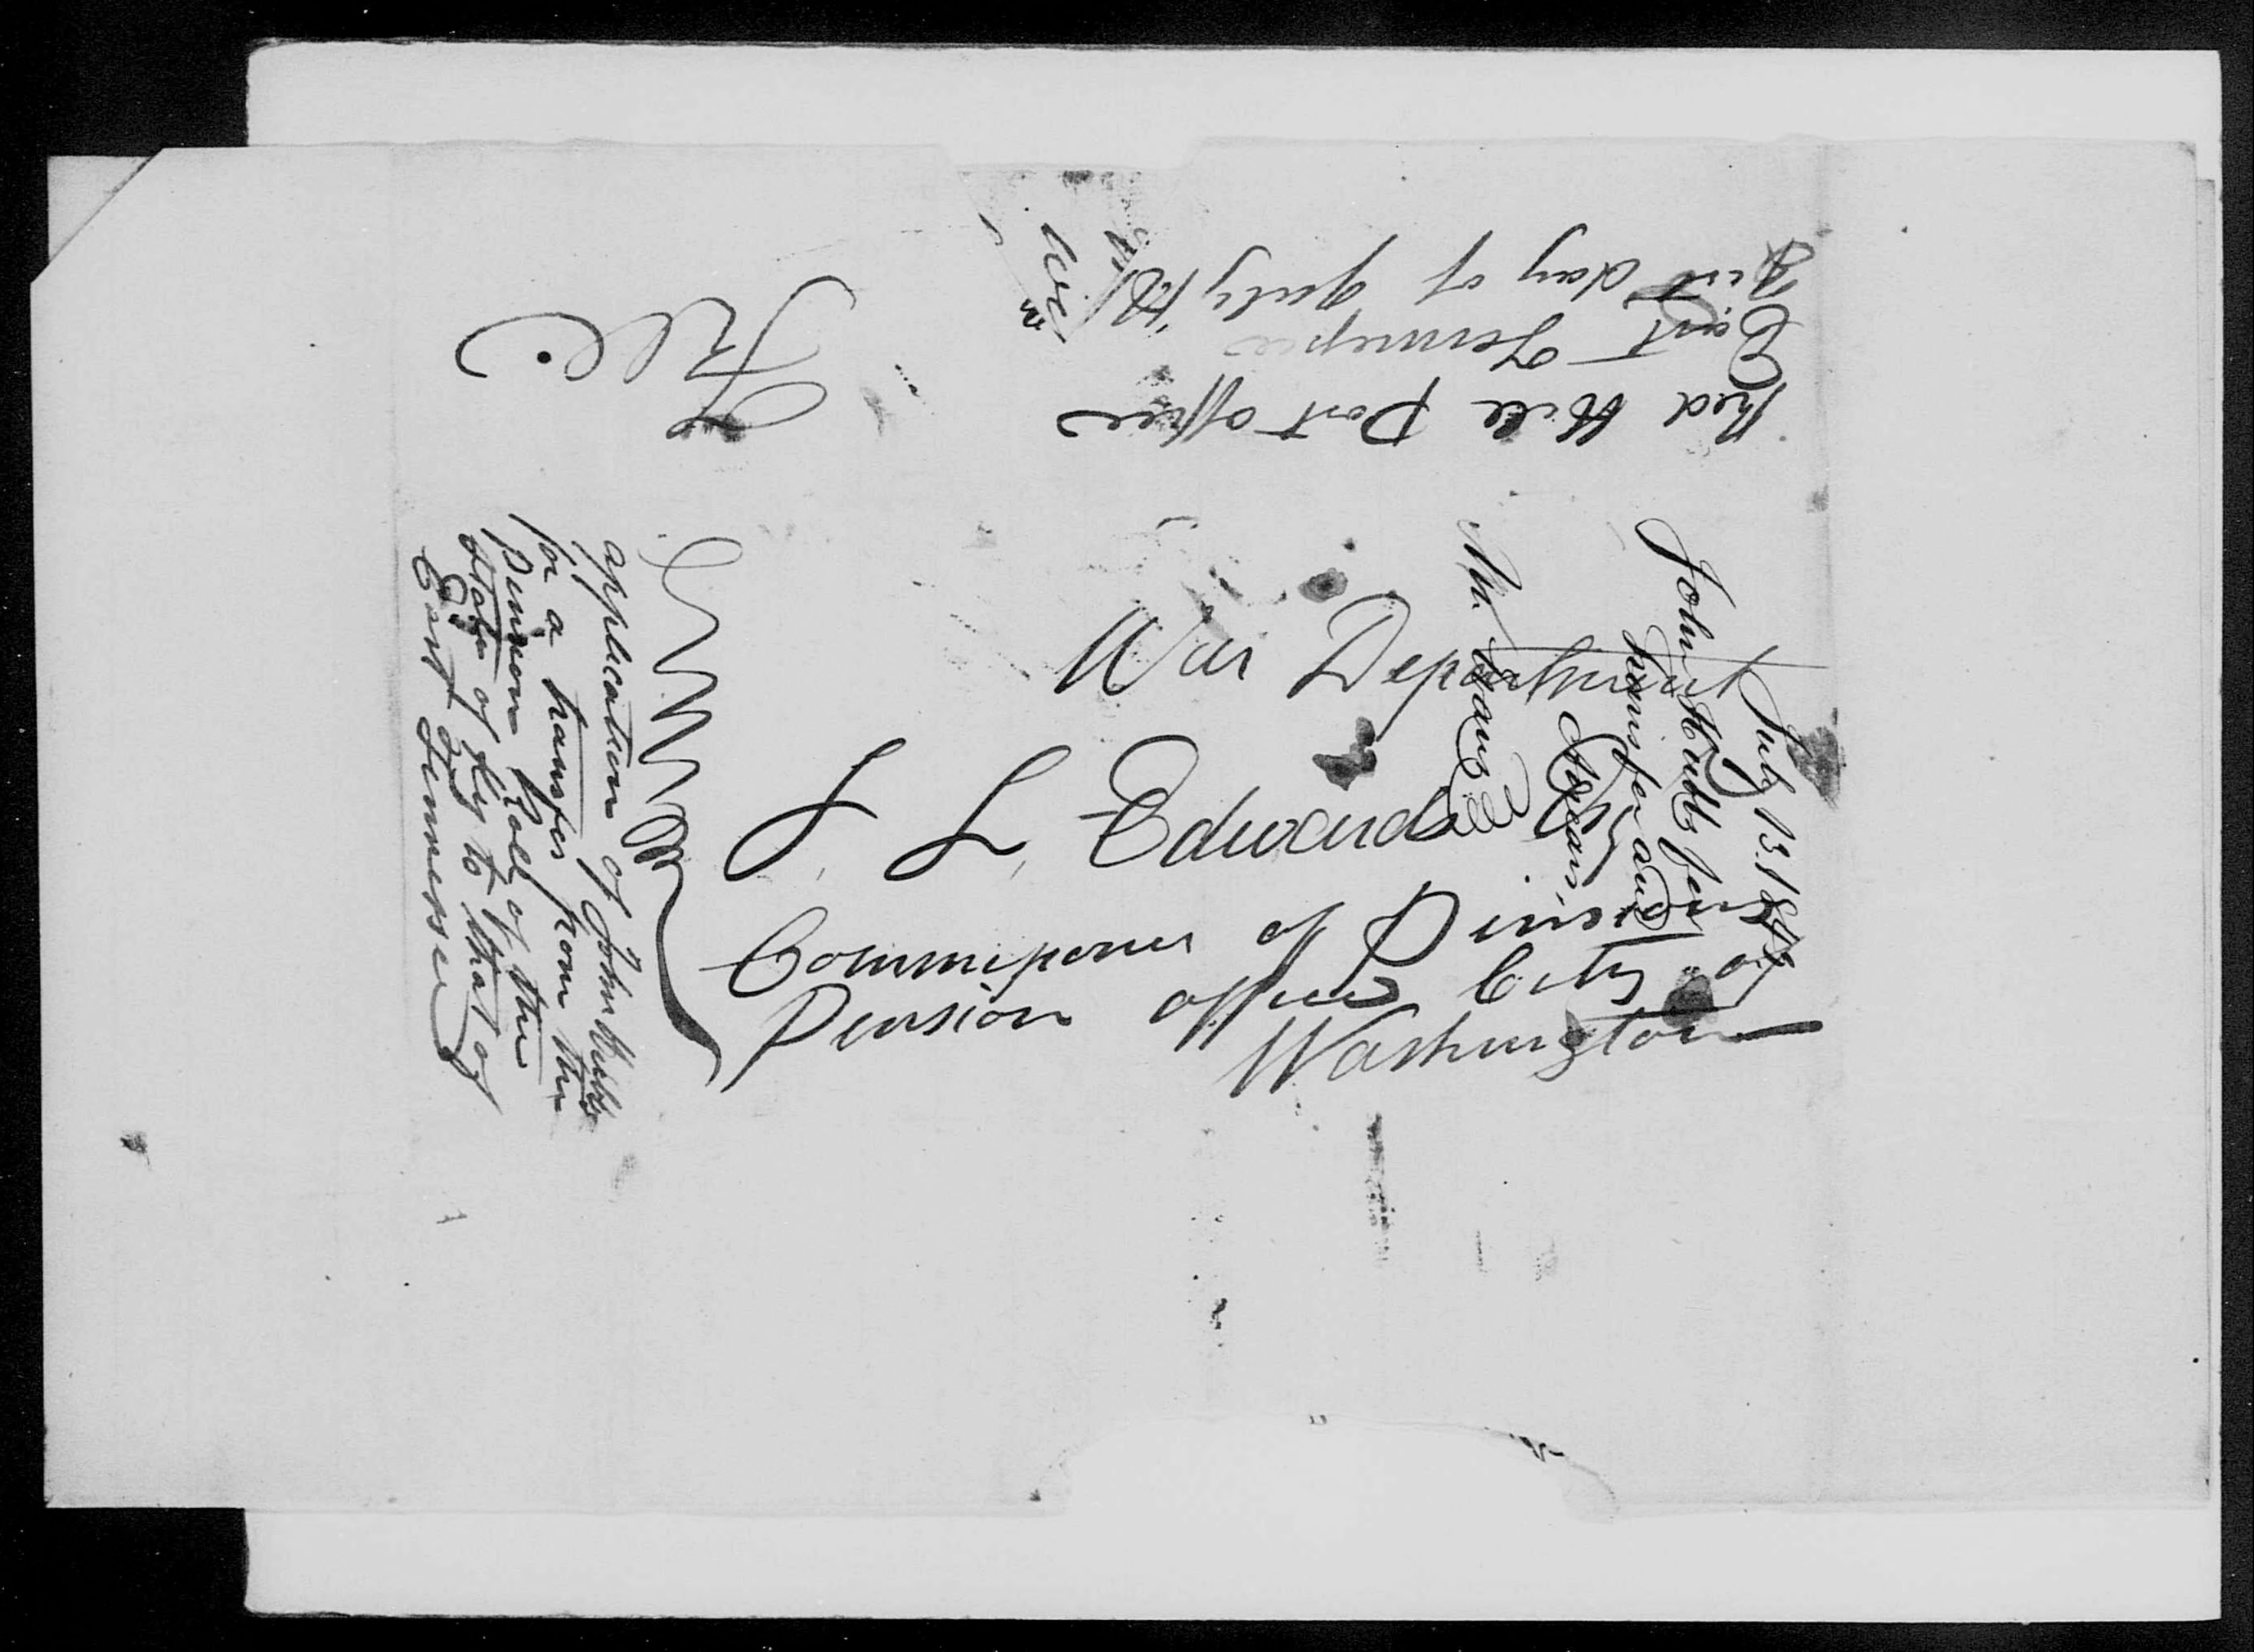War Department
J.L. Edwards Esq
Commissioner of Pensions
Pension Office City of Washington

July 13. 1843
John Hubbs for Transfer and arrears
In Trans.
---------------
Application of John Hubbs for a transfer from the Pension Roll of Ky to that of East Tennessee
--------------------
Red hill Post Office
 East Tennessee
3rd day of July 18??
Free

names: John Hubbs, J L Edwards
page: 44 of 86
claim: widow's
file: W. 1035, John Hubbs, S.C.